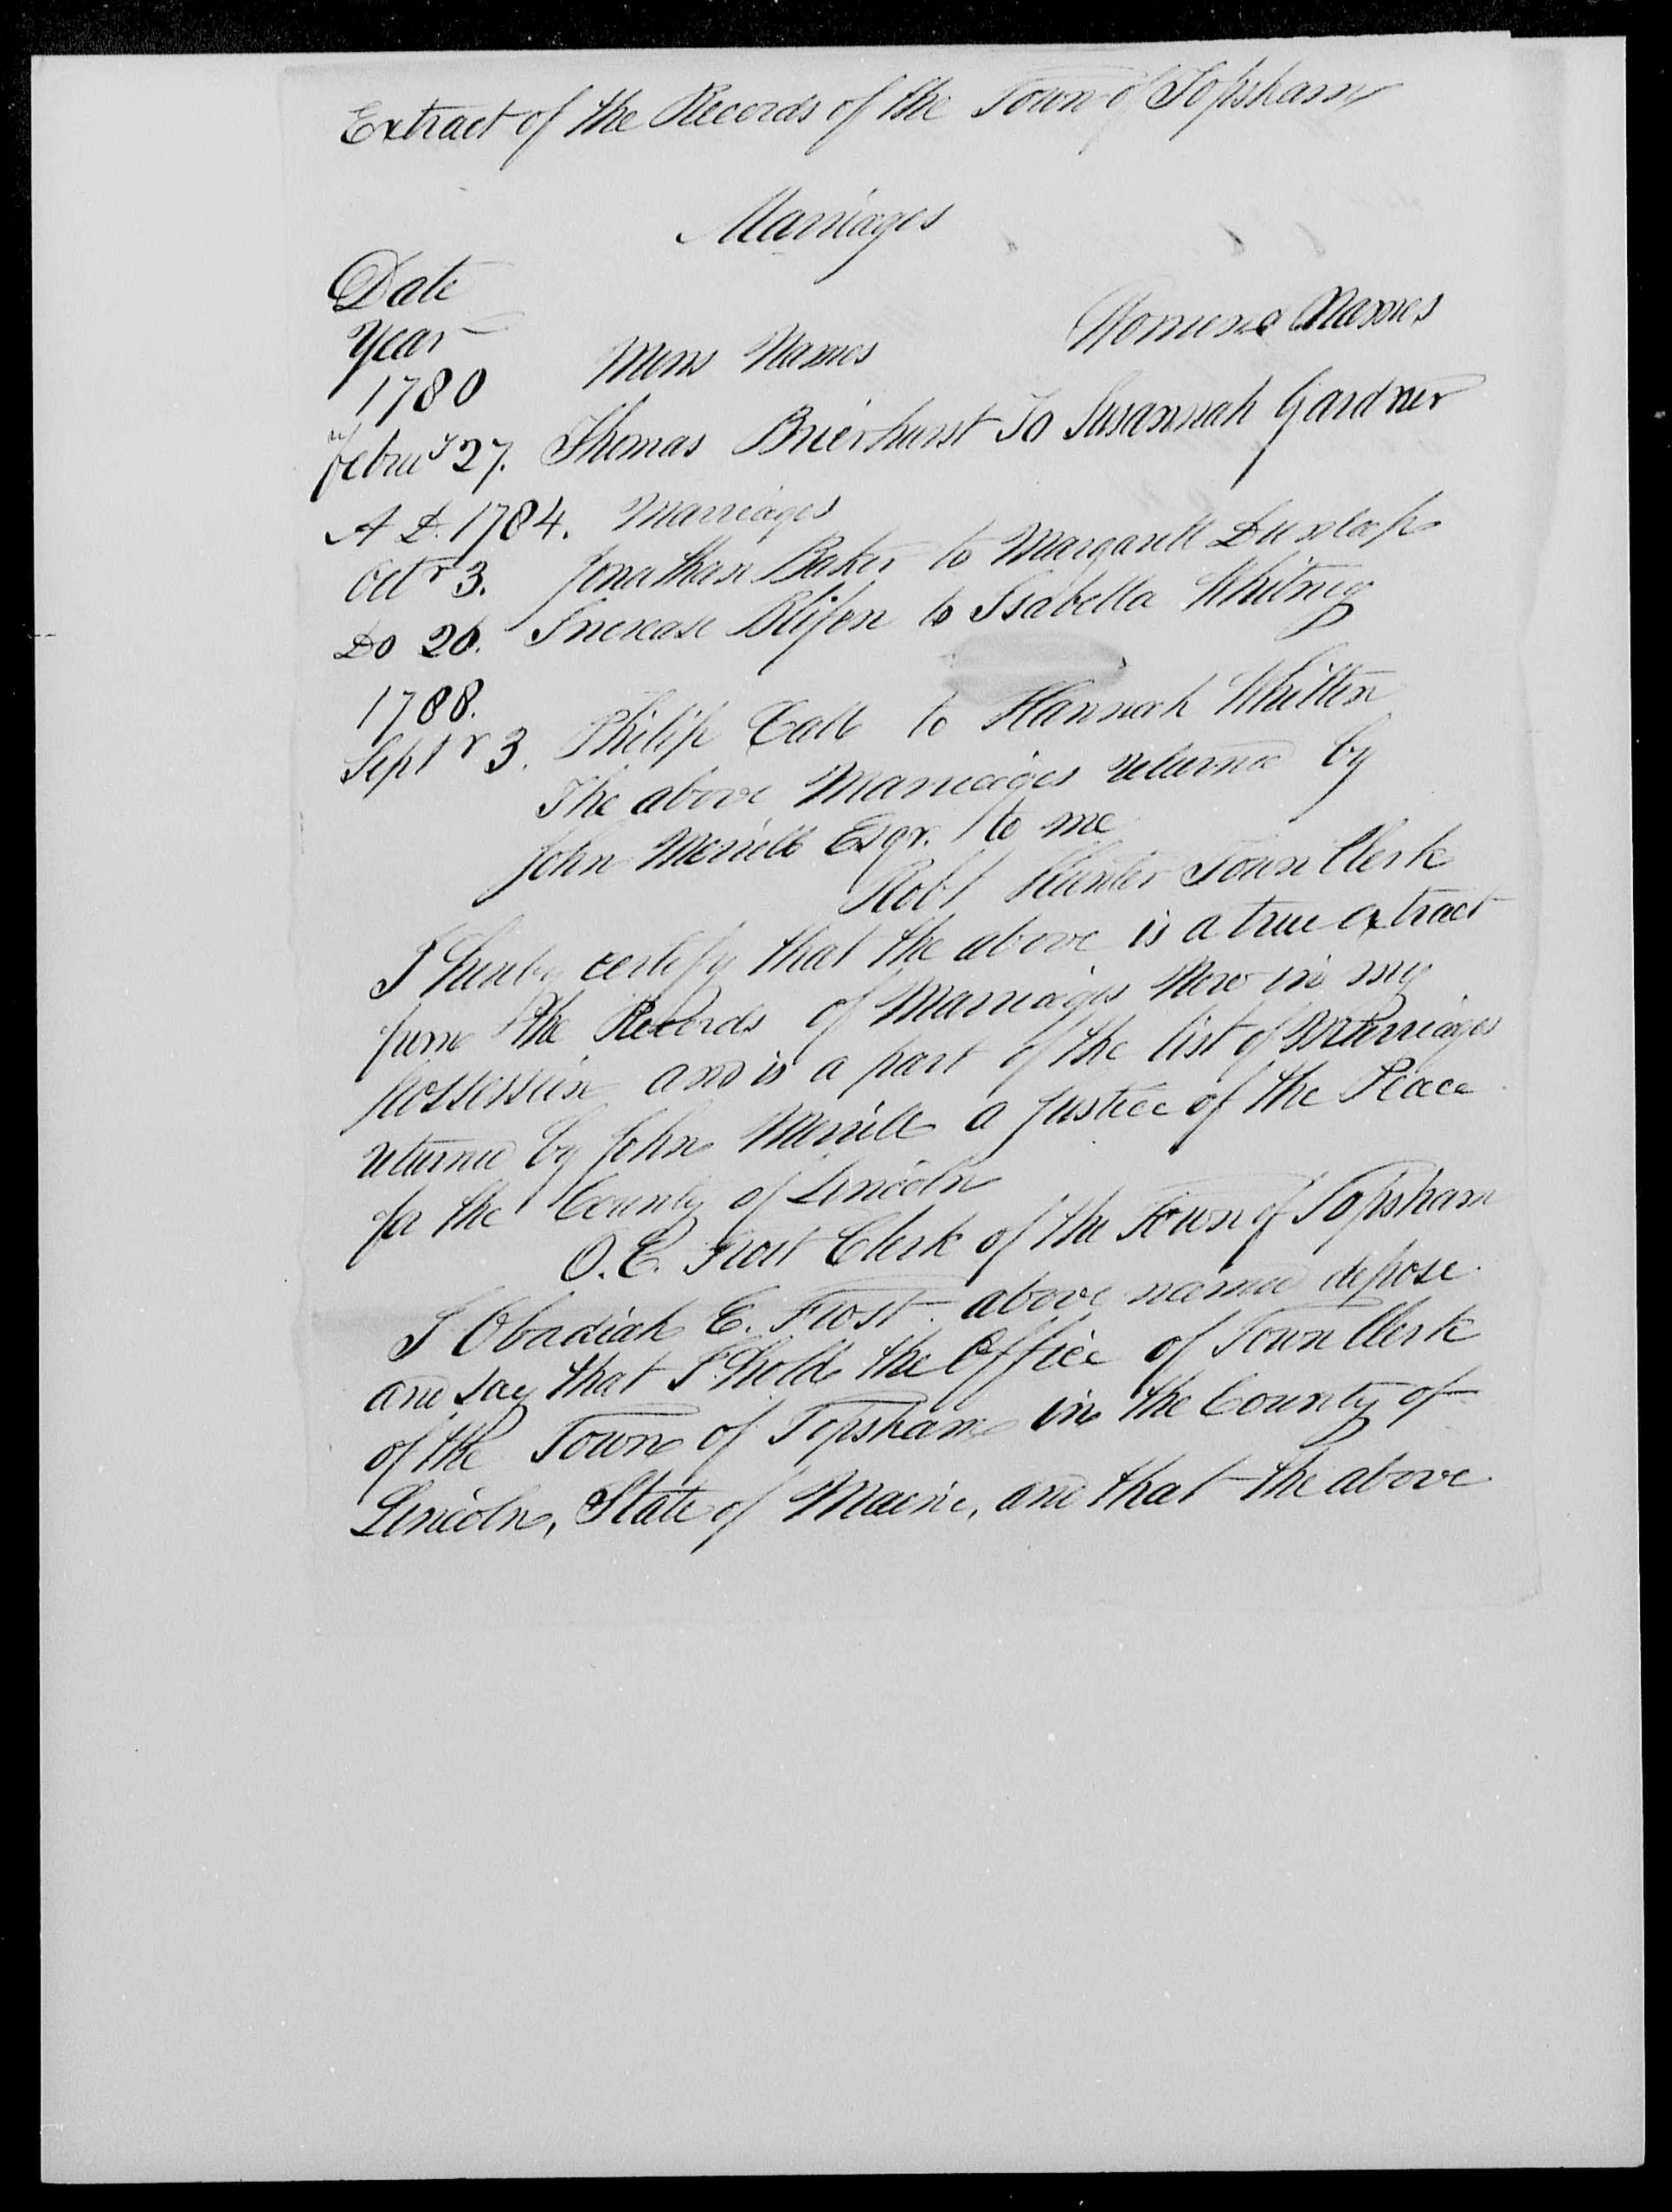Extract of the Records of the Town of Topsham
Marriages
Date
Year
1780  Mens Names   Womens Names
Februy 27  Thomas Brierhurst to Susannah Gardner
AD 1704 Marriages
Octr 3. Jonathan Baker to Margarett Dunlap
DO 20. Increase Blifen to Isabella Whitney
1788
Septr 3.  Philip Calb to Hannah Whitten
The above Marriages returned by
John Merrill Esqr. to me
Robt Hunter Town Clerk
I hereby certify that the above is a true abstract
from the Records of Marriages Now in my
possession and is a part of the list of Marriages
returned by John Merrill a Justice of the Peace
for the County of Lincoln
O.E. Frost Clerk of the Town of Topsham
I Obadiah E. Frost above named depose
and say that I hold the Office of Town Clerk
of the Town of Topsham in the County of 
Lincoln, State of Maine, and that the above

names: Hannah Whitten, Margarett Dunlap, Susannah Gardner, Isabella Whitney, John Merrill, Obadiah E Frost, Increase Blifen, Jonathan Bakes, Robt Hunter, O E Frost, Philip Calb, Thomas Brierhurst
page: 15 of 39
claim: widow's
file: W. 23,621, Increase Blethen, Mass.